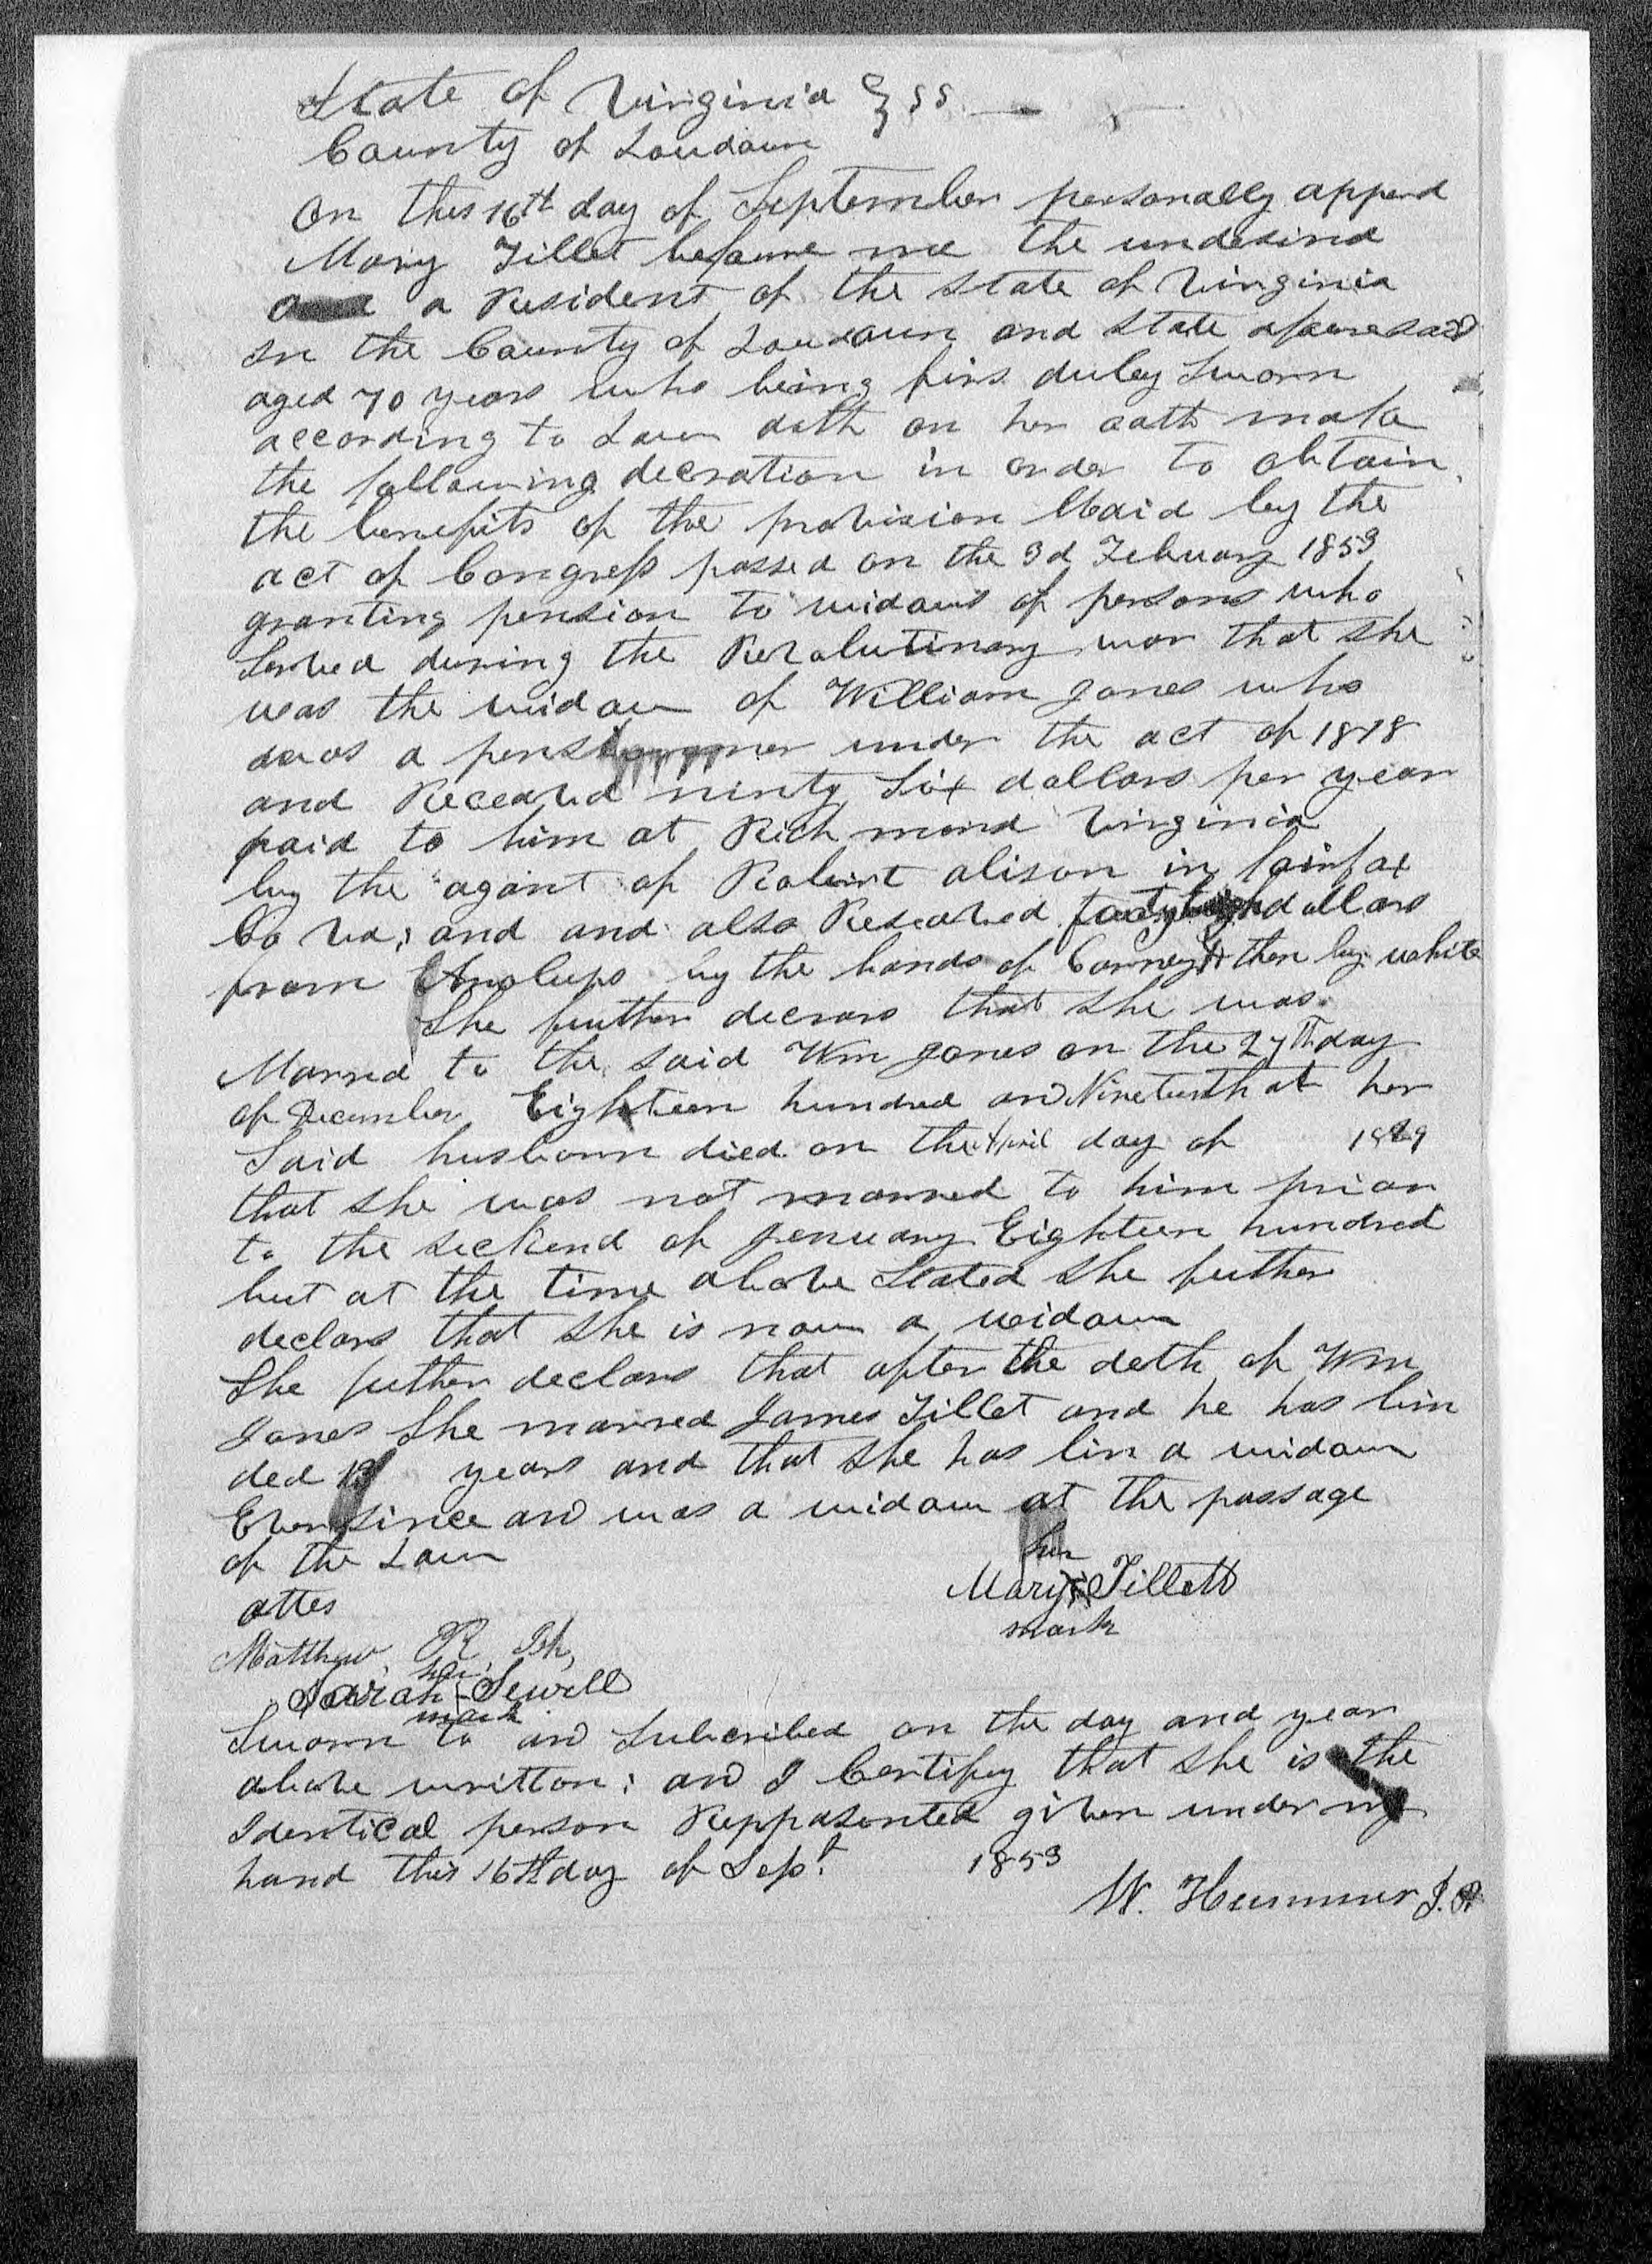State of Virginia}
County of Loudoun} SS
On this 16th day of September personally apperd Mary Tillett before me the undersigned [crossed out] a Resident of the State of Virginia in the County of Loudoun and State aforesaid aged 70 years who being first duly sworn according to Law doth on her oath make the following declaration in order to obtain the benefits of the provision Maid by the act of Congress passed on the 3d February 1853 granting pension to widows of persons who served[?] during the Revolutionary war that she was the widow of William Jones who was a pensioner under the act of 1818 and Received ninety six dollars per year paid to him at Richmond Virginia by the agent of Robert Alison in Fairfax Co Va., and also Reseaved forty dollars from Anolups[?] by the hands of [illegible] then by white[?]
She further declares that she was Married to the said Wm Jones on the 27th day of December Eighteen hundred and Nineteenth + her said husband died on the third day of [blank] 1829 that she was not married to him prior to the seckend of January Eighteen hundred but at the time above stated she further declares that she is now a widow. She further declares that after the deth of Wm Jones she married James Tillett and he has since did 13 years and that she has bin a widow ever since and was a widow at the passage of the Law
attes                            Mary herXmark Tillett
Matthew R. Ish
Sarah herXmark Sewell 
Sworn to and subscribed on the day and year above written: and I certify that she is the identical person reppresented given under my hand this 16th day of Sept. 1853
W. Hummer J.P.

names: William Jones; James Tillet; Mary Tillet; Sarah Sewell; Robert Alison; R Matthew; W Hummer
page: 11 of 39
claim: widow's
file: W 6292, for William Jones, Maryland